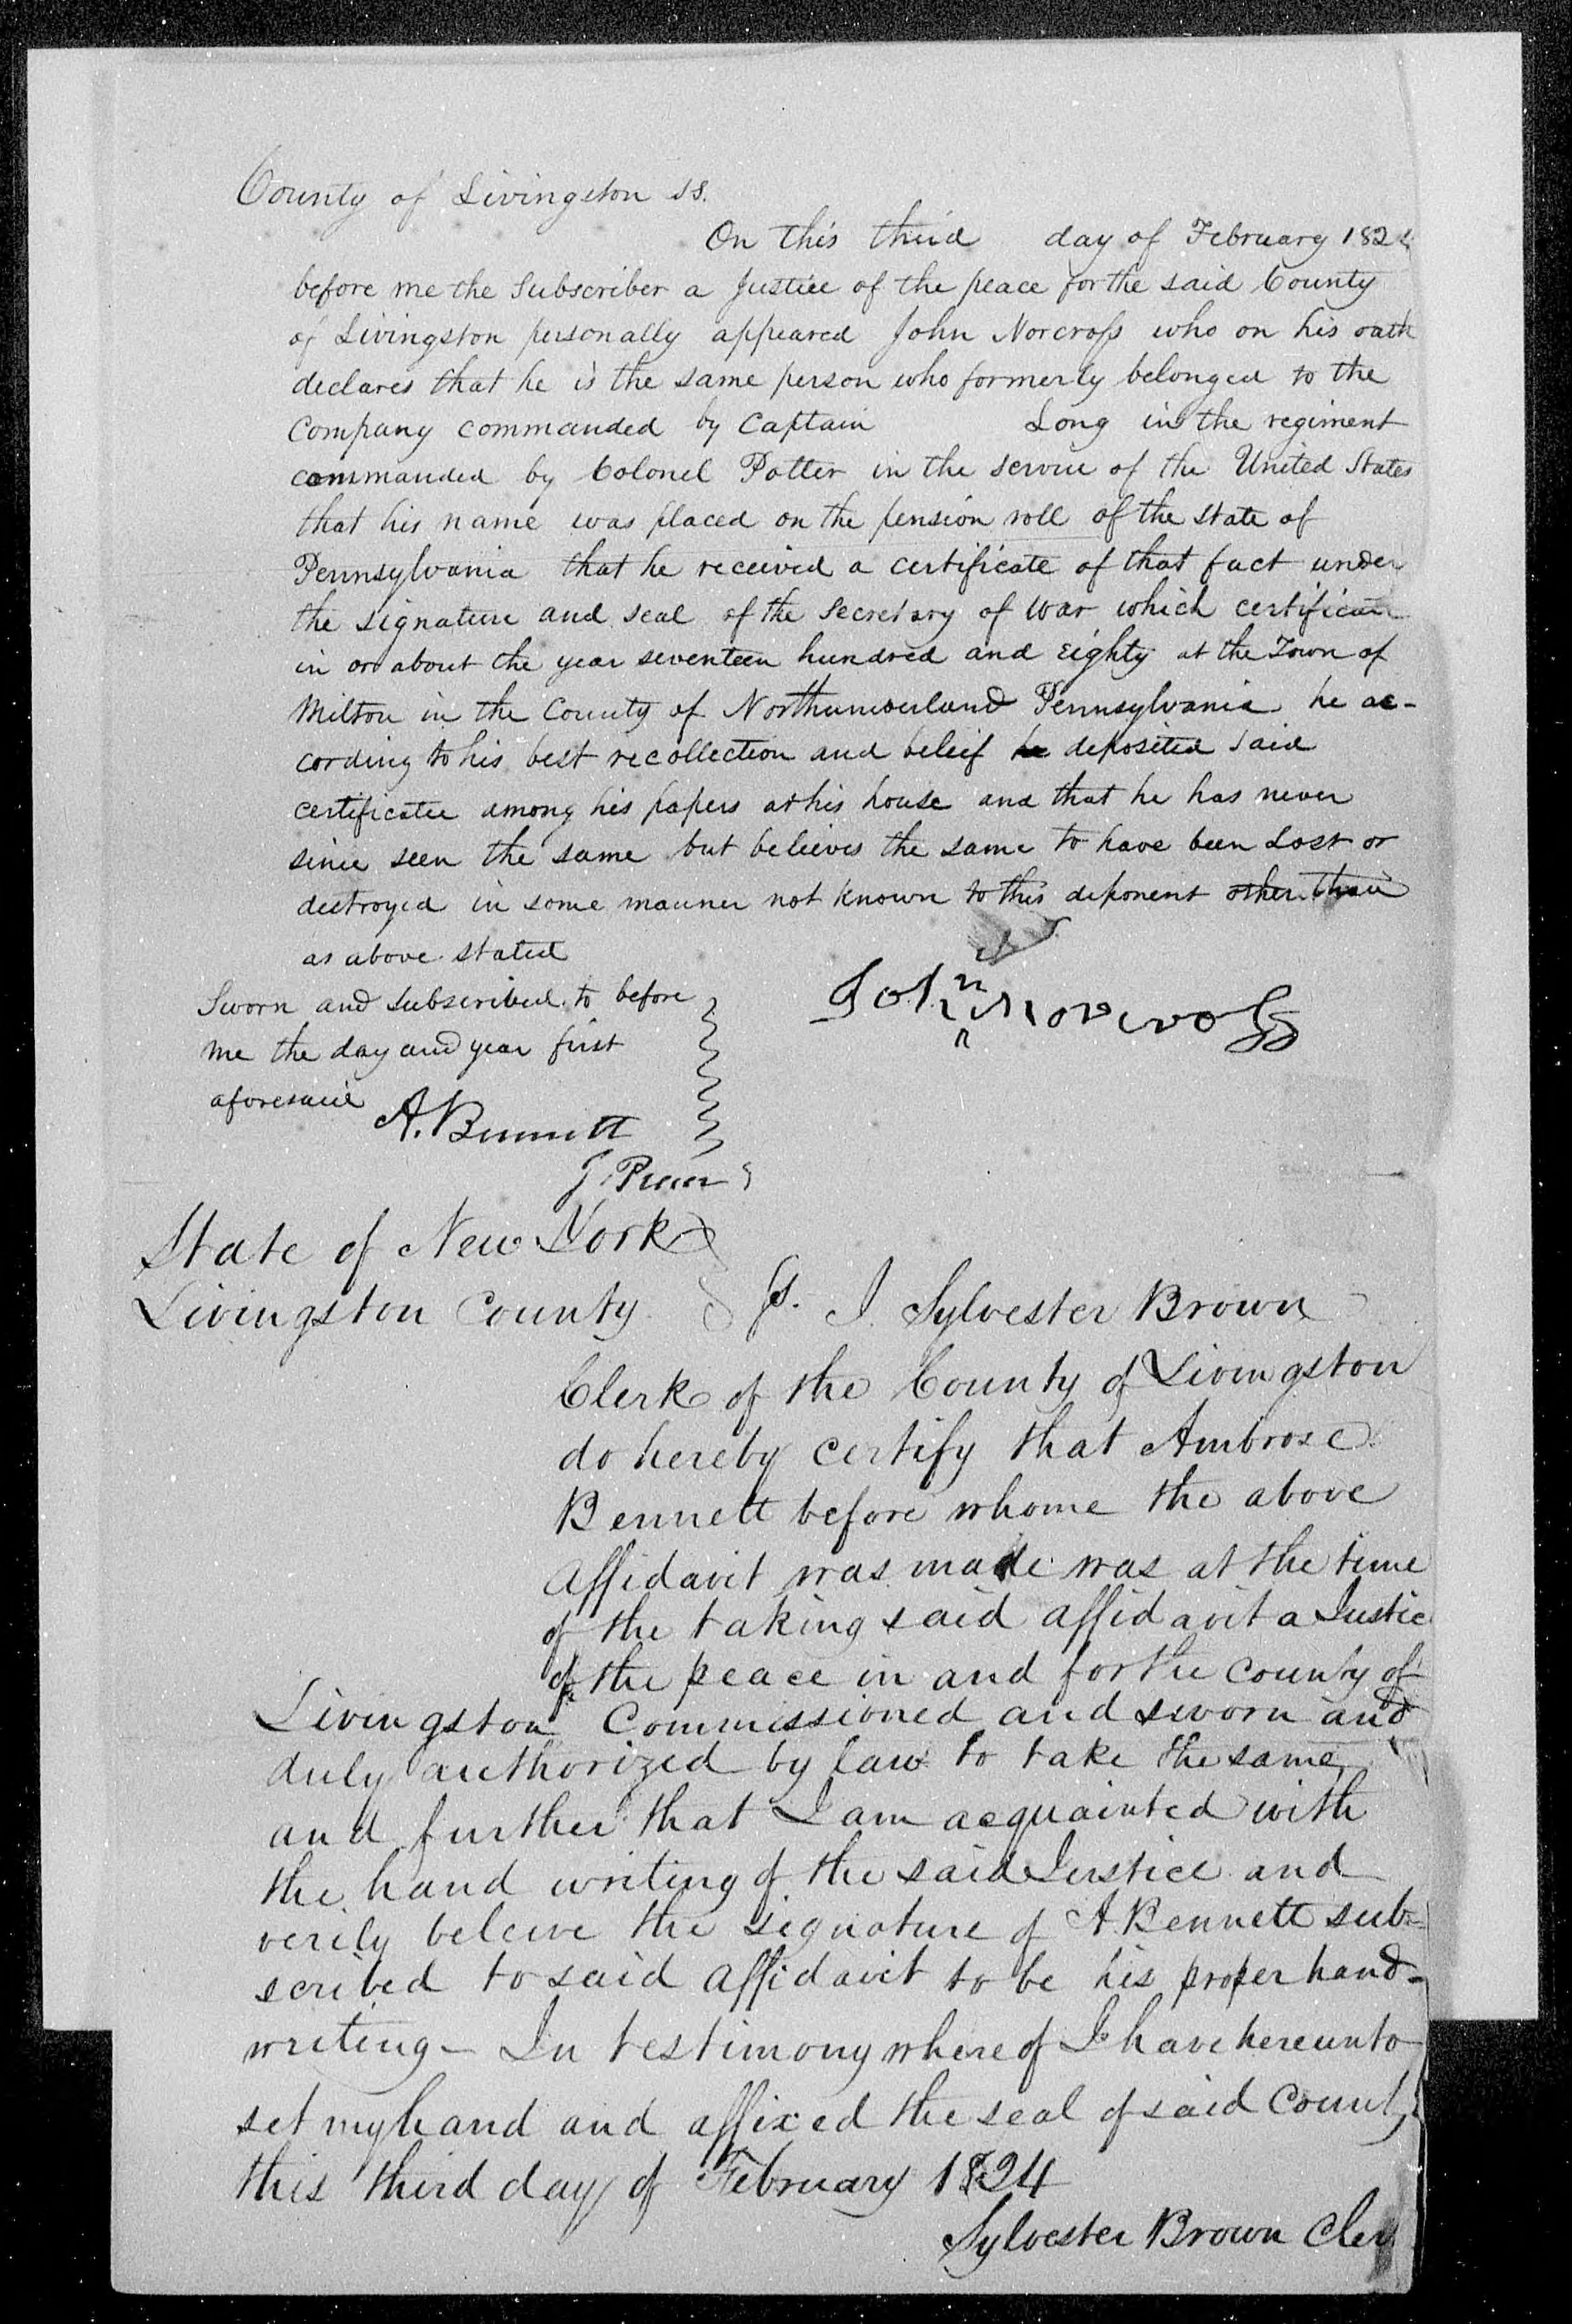County of Livingston SS.

On this third day of February 1824
before me the subscriber a justice of the peace for the said County
of Livingston personally appeared John Norcross who on his oath
declares that he is the same person who formerly belonged to the
Company commanded by Captain Long in the regiment
commanded by Colonel Potter in the service of the United States
that his name was placed on the pension roll of the state of 
Pennsylvania that he received a certificate of that fact under
the signature and seal of the Secretary of War which certificate
in or about the year seventeen hundred and eighty at the Town of
Milton in the County of Northumberland Pennsylvania he ac-
cording to his best recollection and belief [crossed out] he [end crossed out] deposited said
certificate among his papers at his house and that he has never
since seen the same but believes the same to have been lost or
destroyed in some manner not known to this deponent other than 
as above stated
Sworn and subscribed to before
me the day and year first
aforesaid
A. Bennett
J. Peace
State of New York
Livingston County

[signed] John Norcross

I, Sylvester Brown
Clerk of the County of Livingston
do hereby certify that Ambrose 
Bennett before whom the above
affadavit was made was at the time
of the taking said affidavit a Justice
of the Peace in and for the County of
Livingston. Commissioned and sworn and
duly authorized by law to take the same
and further that I am acquainted with
the handwriting of the said Justice and
verily believe the signature of A. Bennett sub-
scribed to said affidavit to be his proper hand-
writing. In testimony whereof I have hereunto
set my hand and affixed the seal of said County
this third day of February 1824.
Sylvester Brown, Clerk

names: [BLANK] Long; John Norcross; [BLANK] Potter; Sylvester Brown; Ambrose Bennett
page: 22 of 23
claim: survivor's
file: S. 27257, for John Norcross, Pennsylvania